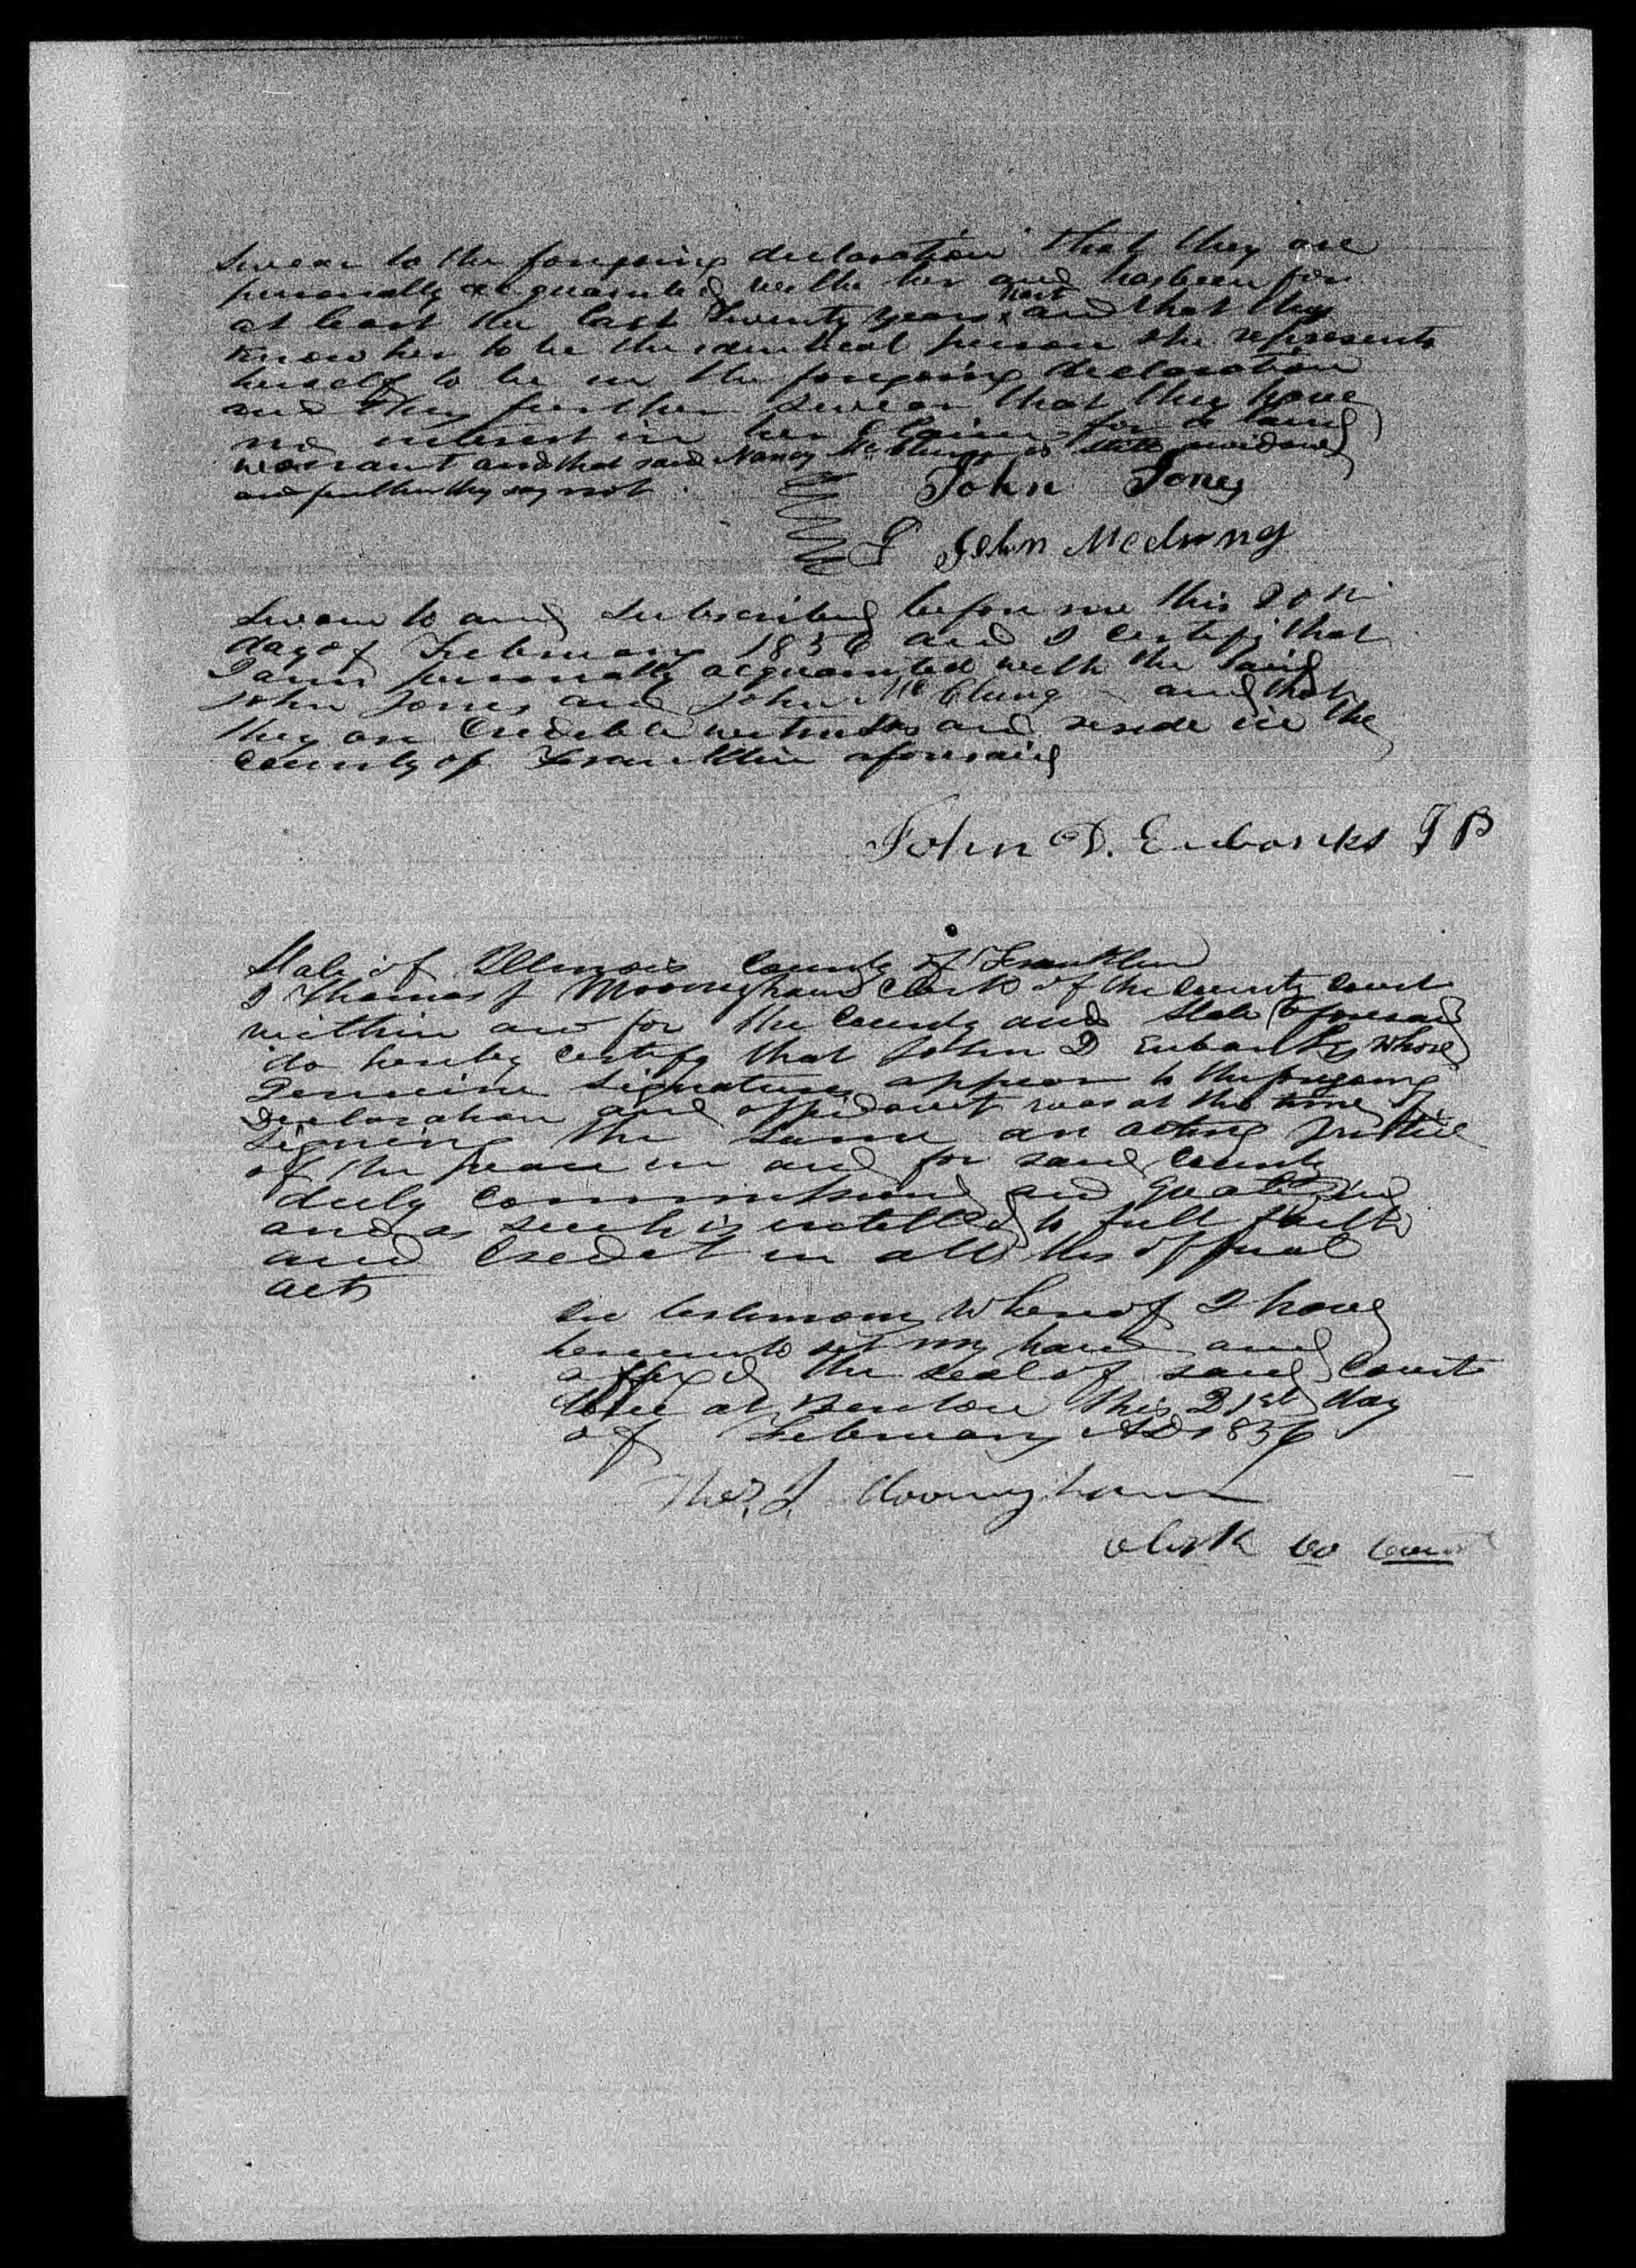swear to the foregoing declaration; that they are 
personally acquainted with her and has been for 
at least the last twenty years past and that they 
know her to be the identical person she represents 
herself to be in the foregoing declaration 
and they further swear that they have 
no interest in her claim for a land 
warrant and that said Nancy McClung is still widow 
and further say not } John Jones 
} & John McClung 
Sworn to and subscribed before me this 20th 
day of February 1856 and I certify that 
I am personally acquainted with the said 
John Jones and John McClung and that 
they are credible witnesses and reside in the 
County of Franklin aforesaid 
John D. Eubanks JP

State of Illinois County of Franklin 

I Thomas J Mooneyham Clerk of the County Court 
within and for the County and State aforesaid 
do hereby certify that John D Eubanks whose 
genuine signatures appear to the foregoing 
Declaration and affidavit was at the time of 
signing the same an acting Justice 
of the peace in and for said County 
duly commissioned and qualified 
and as such is entitled to full faith 
and credit in all his official 
acts
In testimony whereof I have 
hereunto set my hand and 
affixed the seal of said Court 
office at Benton this 21st day 
of February AD 1856
Thos. J. Mooneyham 
Clerk Co Court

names: John D Eubanks; Thomas J Mooneyham; John Mc Clung; Nancy Mc Clung; John Jones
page: 14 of 115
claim: widow's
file: W. 1446, for John Mc Clung, South Carolina